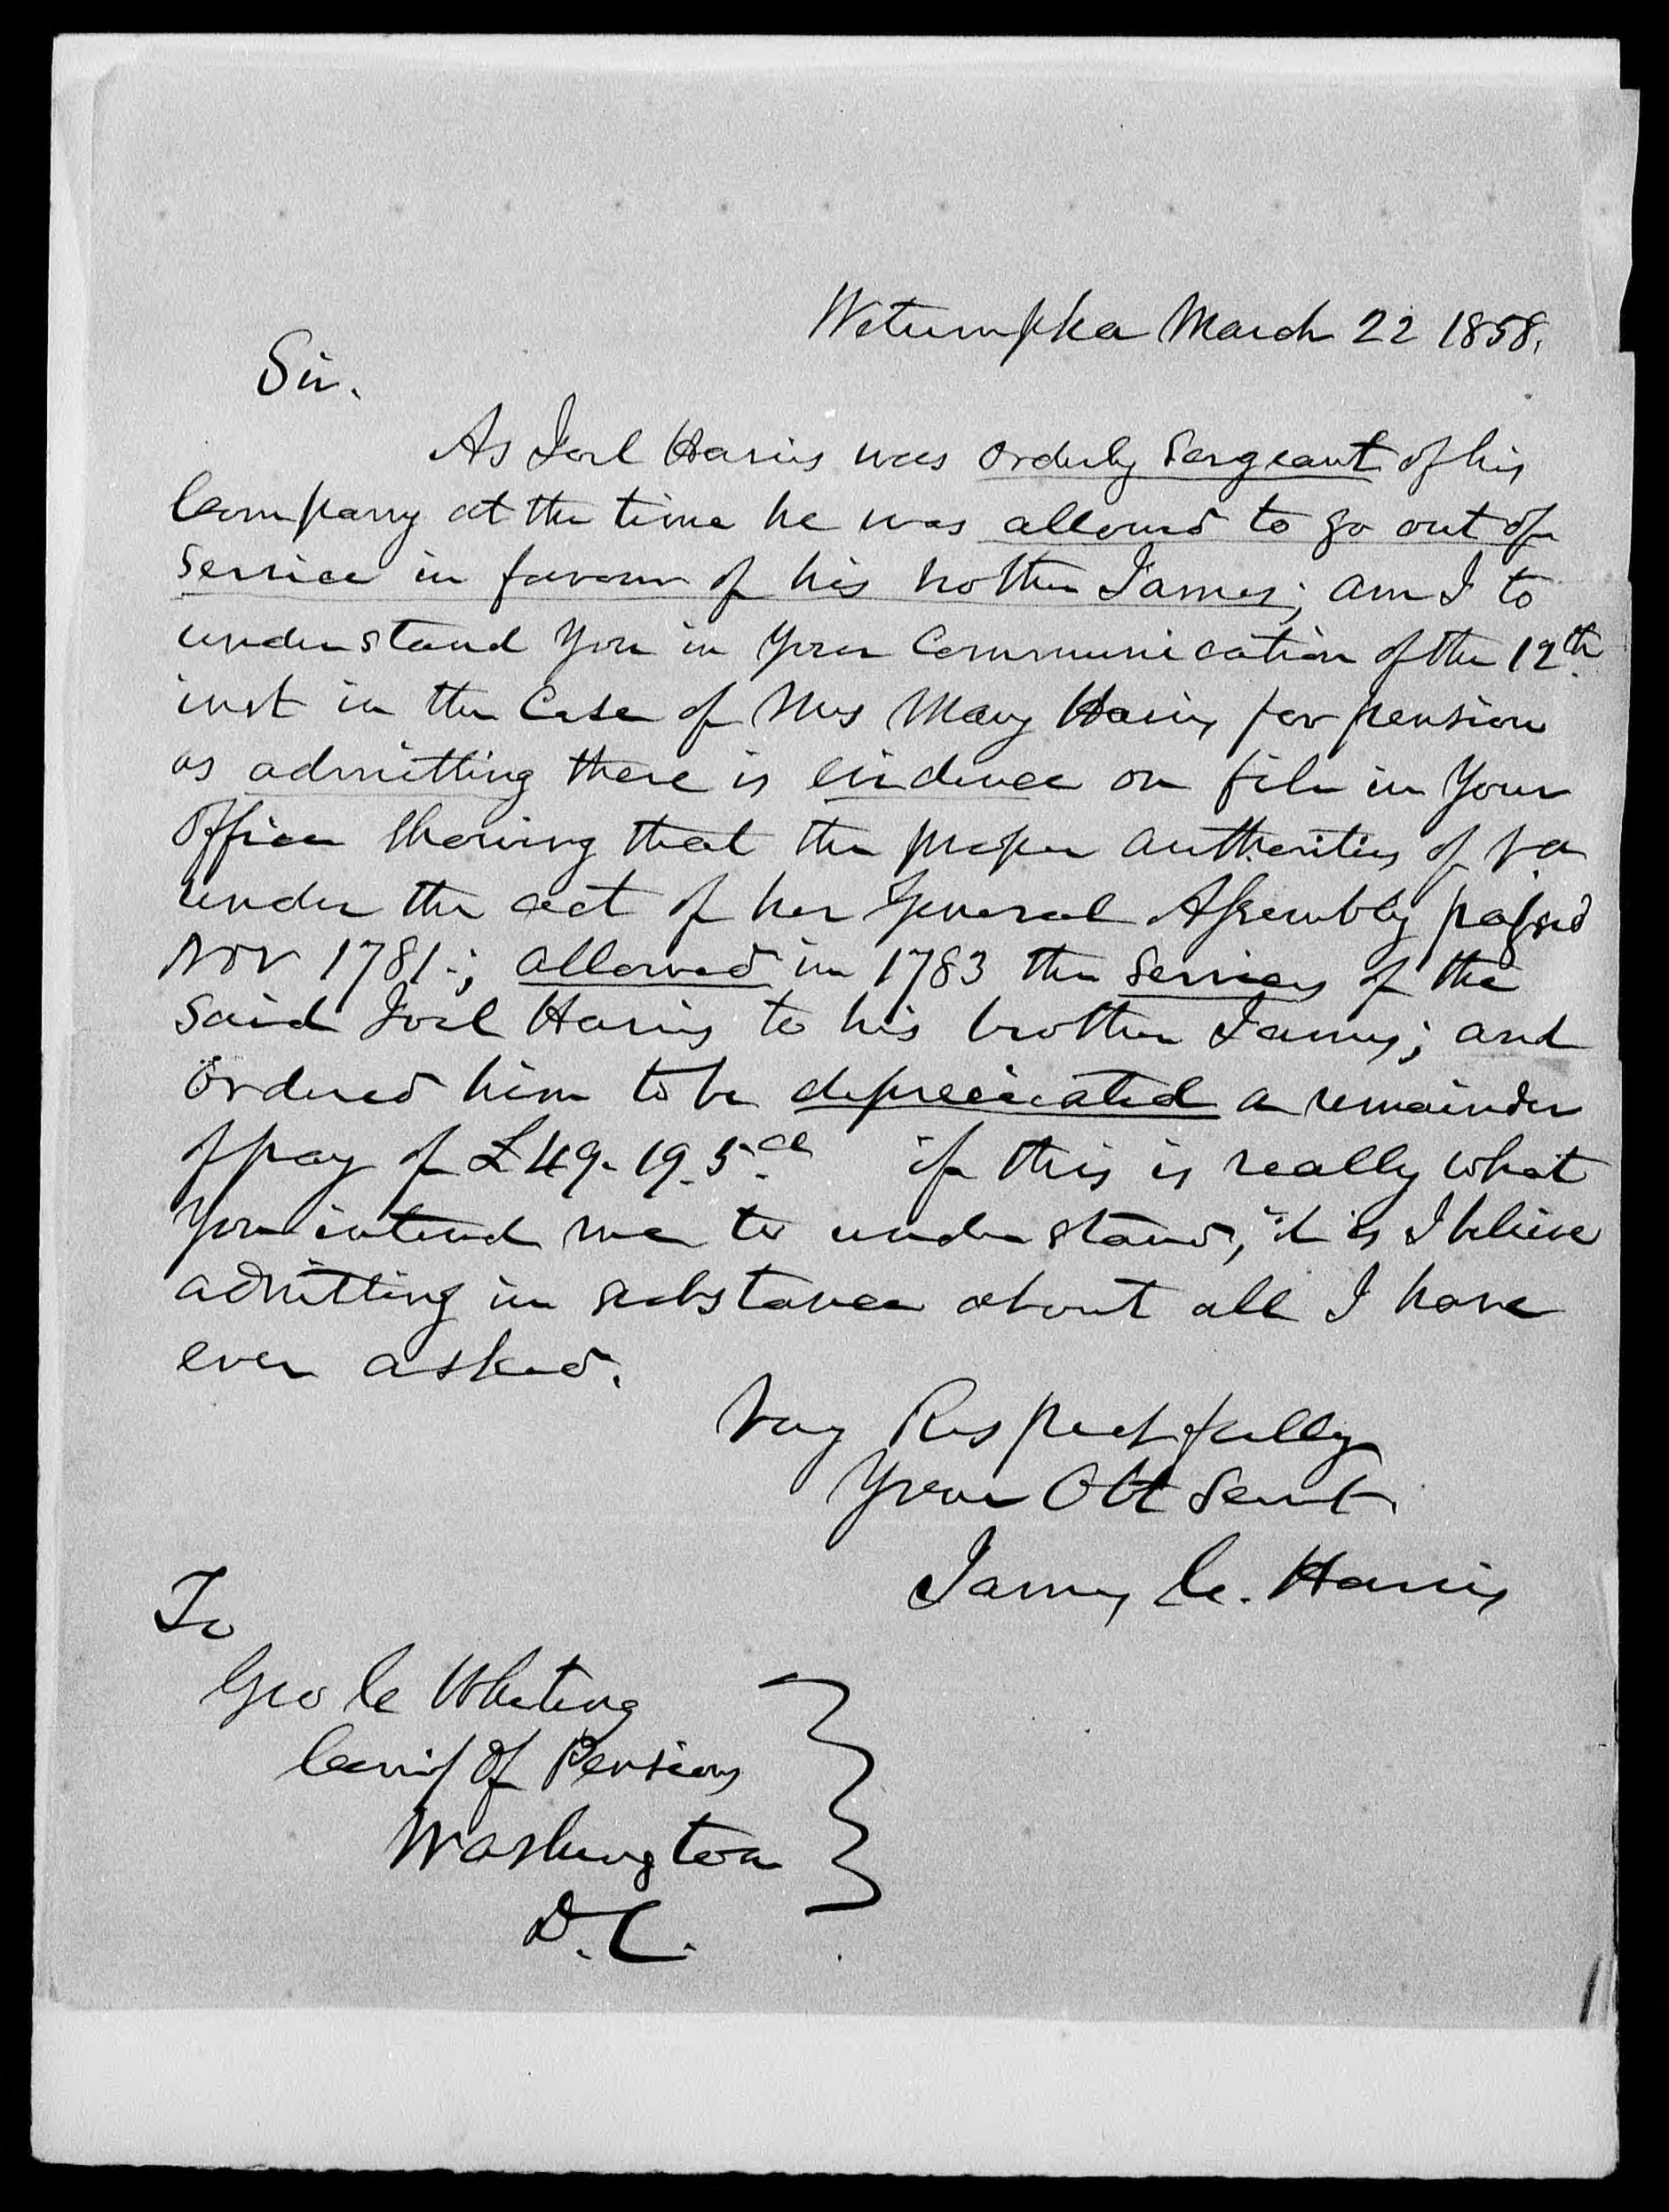Wetumpka March 22, 1858

Sir,
As Joel Harris was orderly Sergeant of his Company at the time he was allowed to go out of service in favour of his brother James, am I to understand you in your communication of the 12th inst in the case of Mrs Mary Harris, for pension as admitting there is evidence on file in Your Office showing that the proper authorities of Va under the act of her General Assembly passed Nov 1781, allowed in 1783 the service of the said Joel Harris to his brother James, and ordered him to be depreciated a remainder of pay of [pound sterling]49.19.5d if this is really what you intend me to understand, it is I believe admitting in substance about all I have ever asked.
Very Respectfully
Your Obt Servt
James C. Harris

To Geo C. Whiting  }
Commis of Pensions }
Washington  }
D.C.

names: James, James, Geo C Whiting, Mary Harris, Joel Harris, Joel Harris, James C Harris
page: 138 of 160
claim: rejected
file: R. 4666, James Harris, Va.